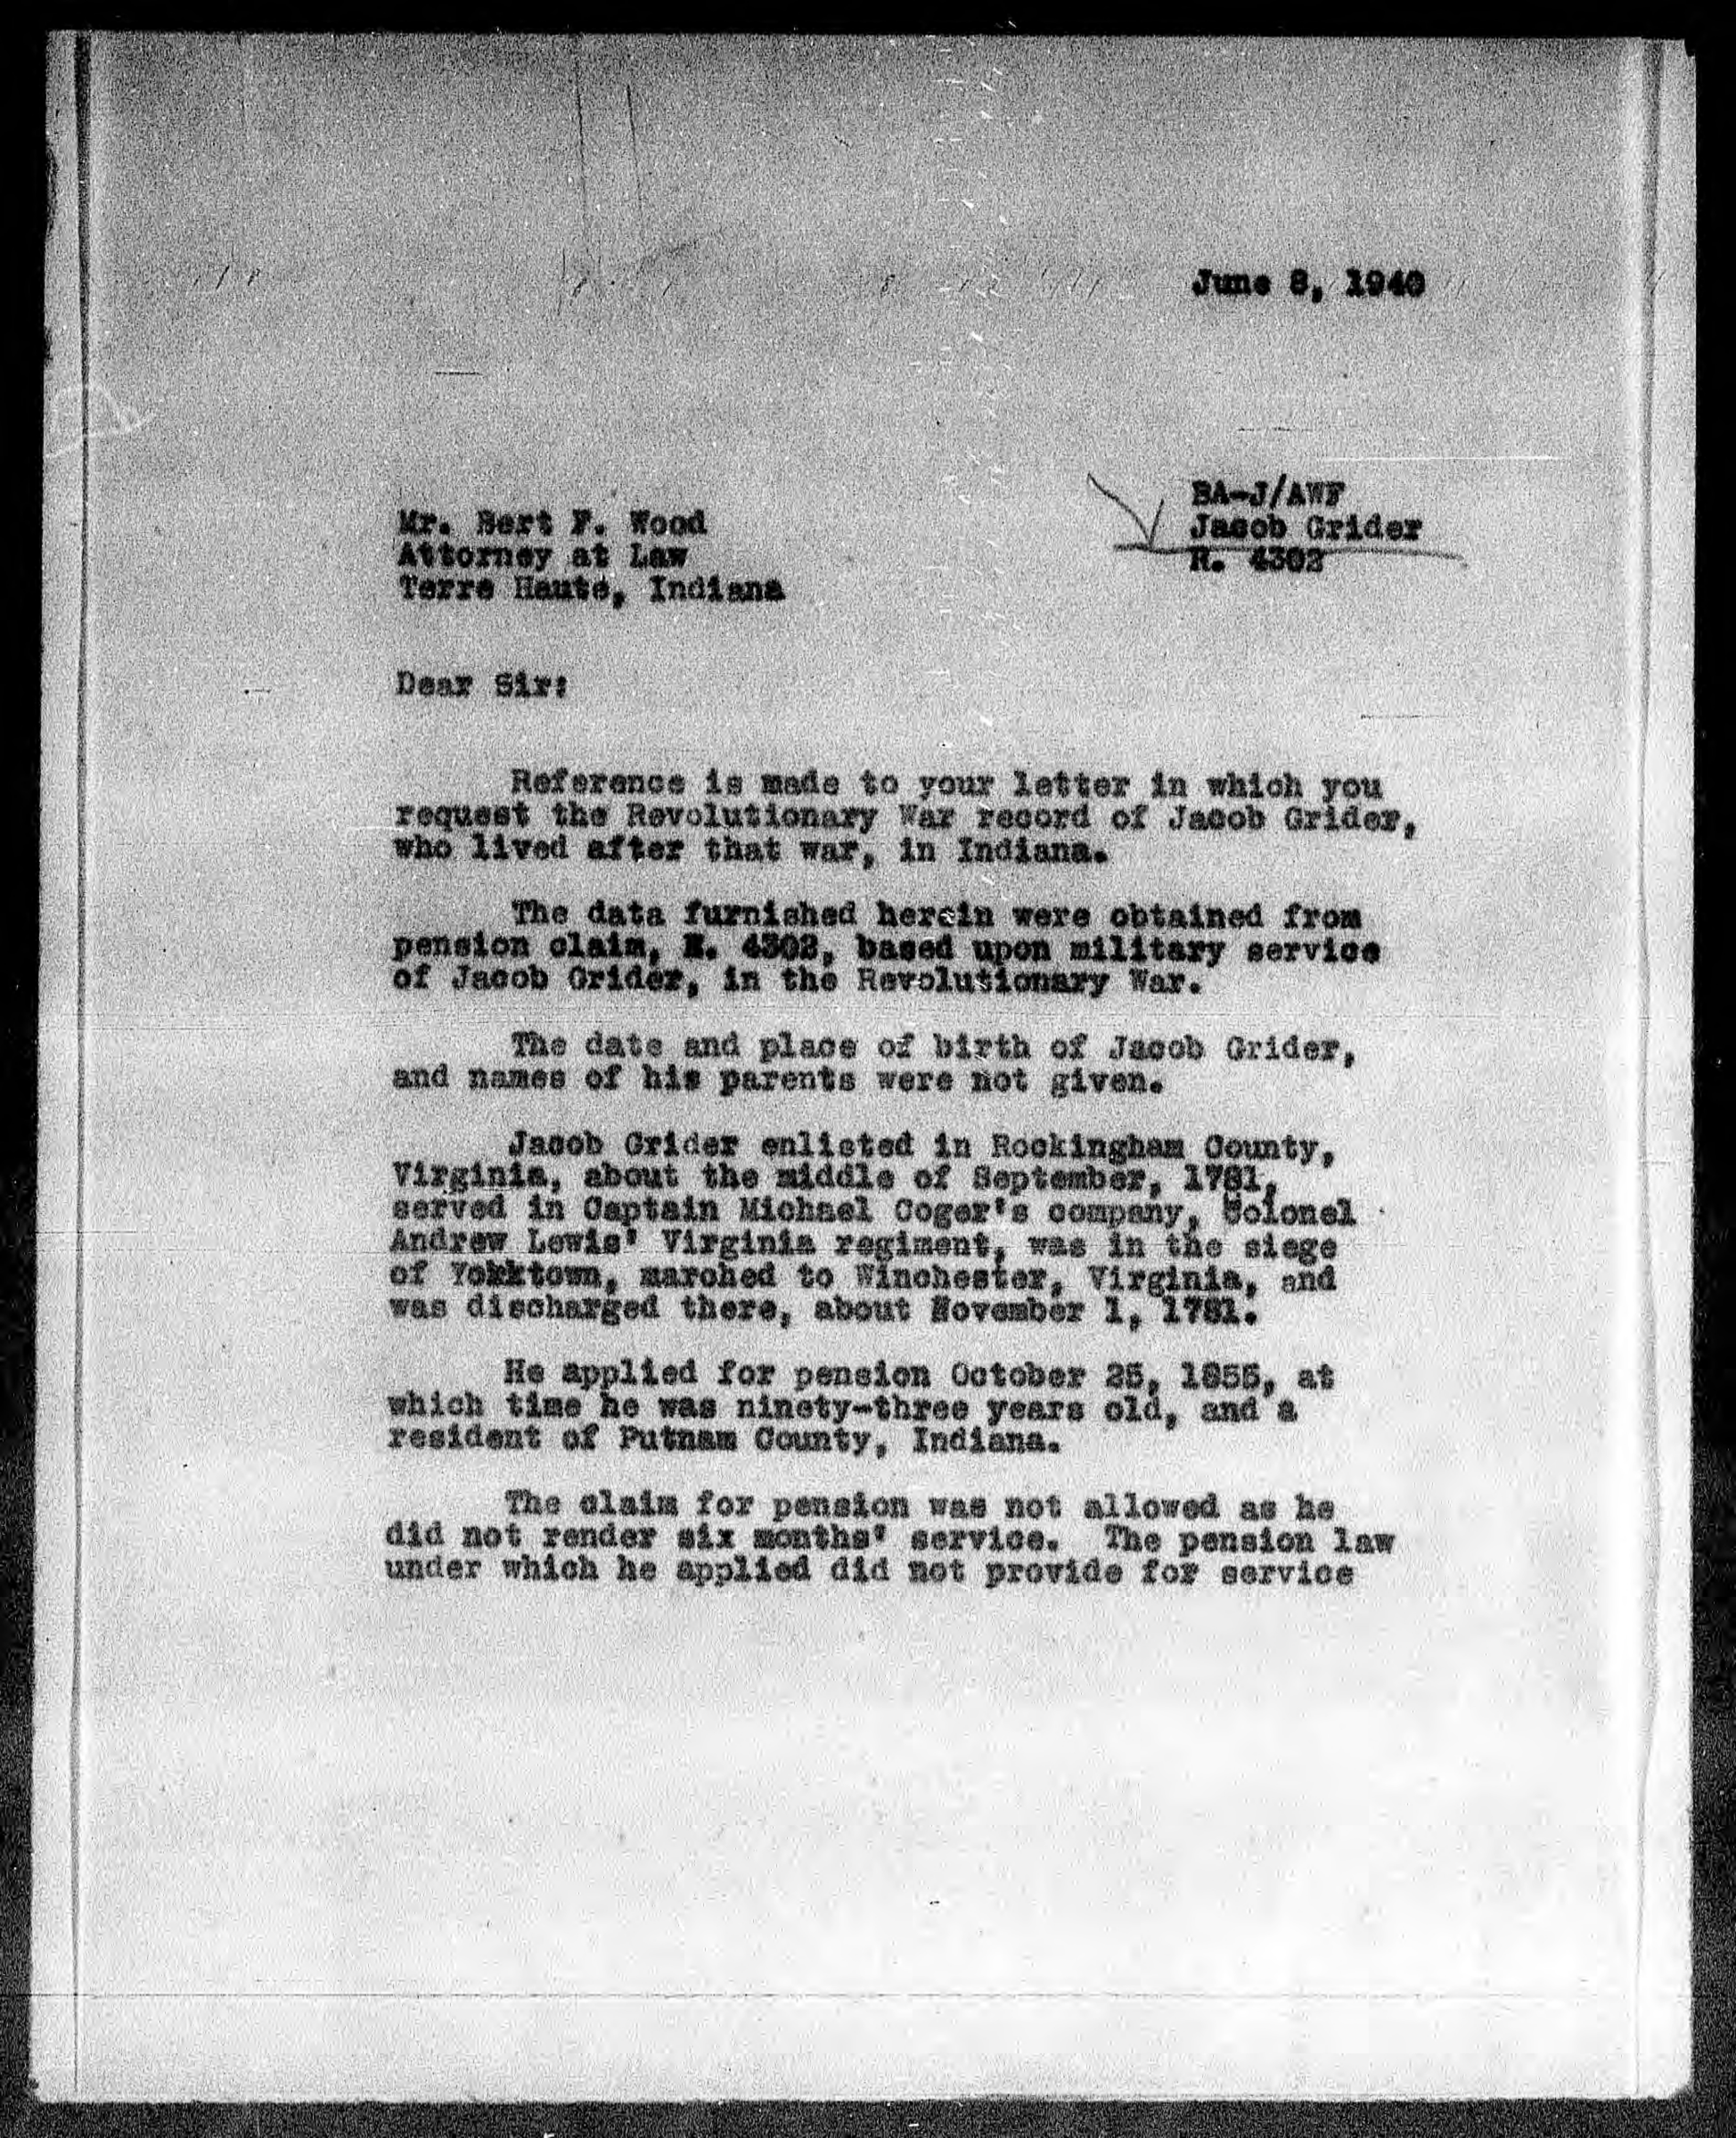June 8, 1940
BA-J/AWF
Jacob Grider
R. 4302

Mr. Bert F. Wood
Attorney at Law
Terre Haute, Indiana

Dear Sir:

Reference is made to your letter in which you request the Revolutionary War record of Jacob Grider, who lived after that war, in Indiana.

The data furnished herein were obtained form pension claim, R. 4302, based upon military service of Jacob Grider, in the Revolutionary War.

The date and place of birth of Jacob Grider, and names of his parents were not given.

Jacob Grider enlisted in Rockingham County, Virginia, about the middle of September, 1781, served in Captain Michael Coger's company, Colonel Andrew Lewis' Virginia regiment, was in the siege of Yorktown, marched to Winchester, Virginia, and was discharged there, about November 1, 1781.

He applied for pension October 25, 1855, at which time he was ninety-three years old, and a resident of Putnam County, Indiana.

The claim for pension was not allowed as he did not render six months' service. The pension law under which he applied did not provide for service
[end of page]
[continued next page]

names: Jacob Grider, Jacob Grider, Jacob Grider, Jacob Grider, Bert F Wood, Jacob Grider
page: 3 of 10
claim: rejected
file: R. 4302, Jacob Grider, Va